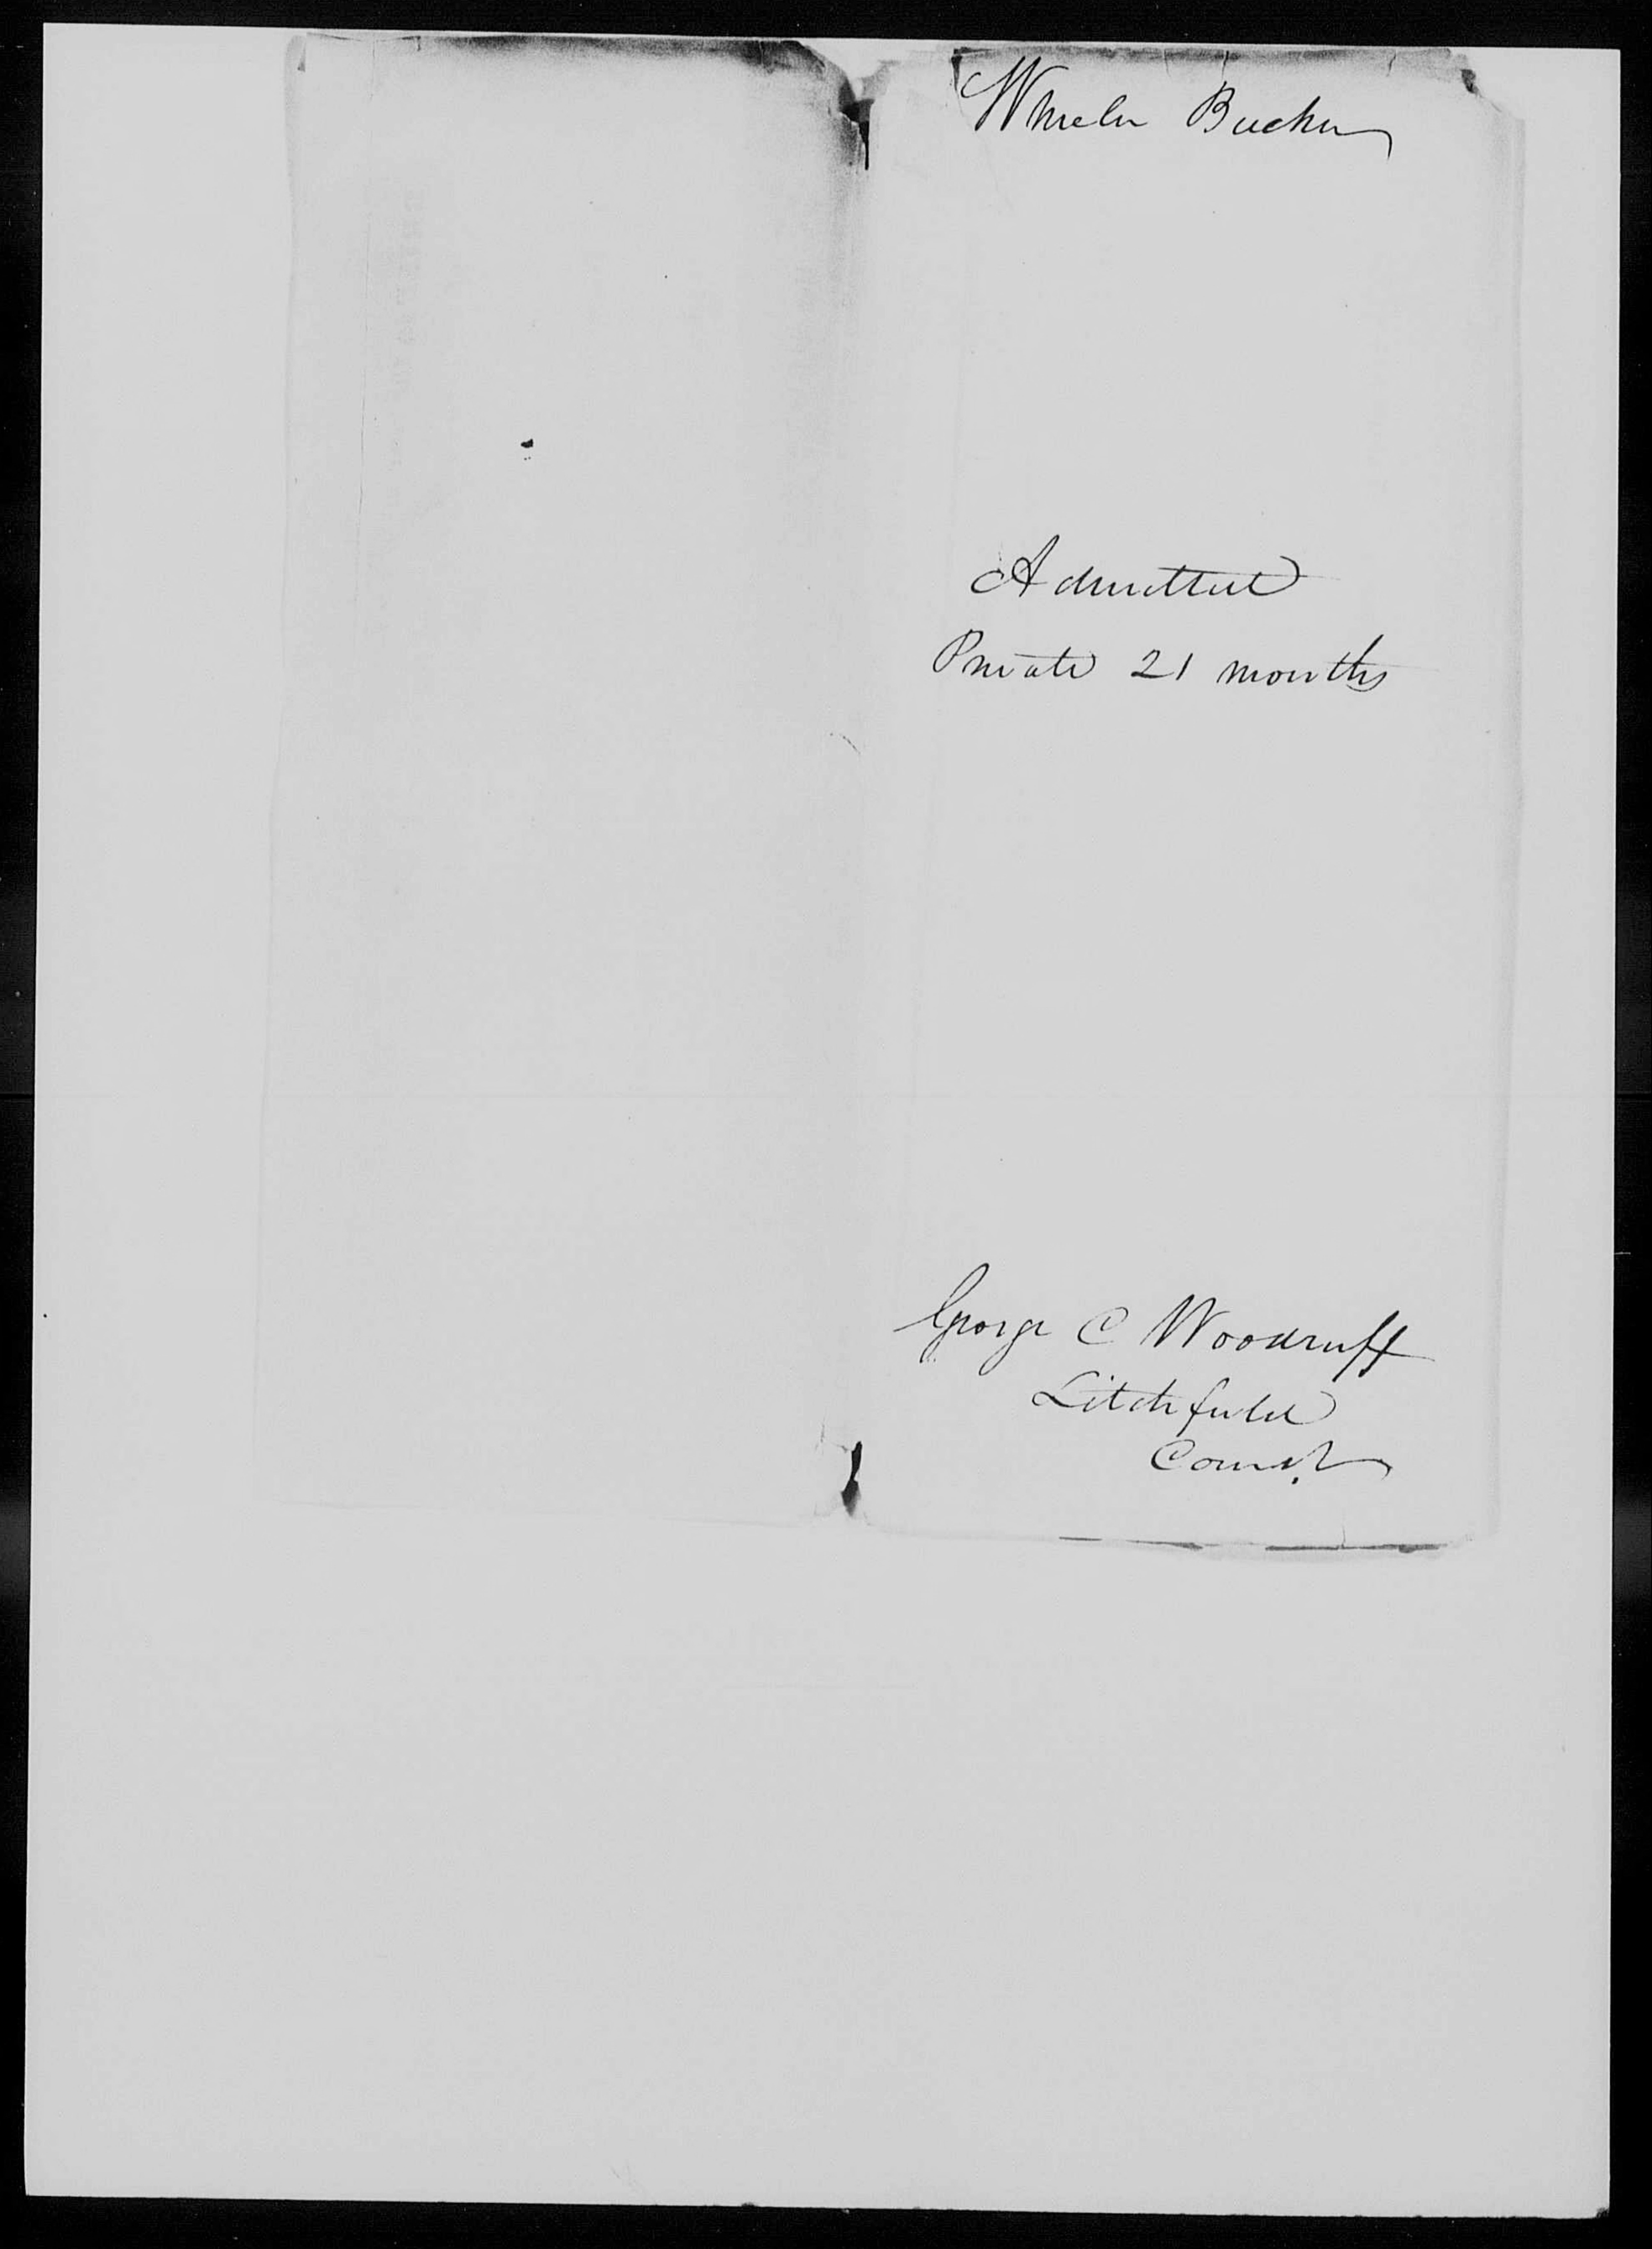Wheeler Beecher
Admitted
Private 21 months

George C Woodruff
Lichfield Conn't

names: Wheeler Beecher, George C Woodruff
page: 9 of 21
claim: survivor's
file: S. 14943, Wheeler Beecher, Conn.